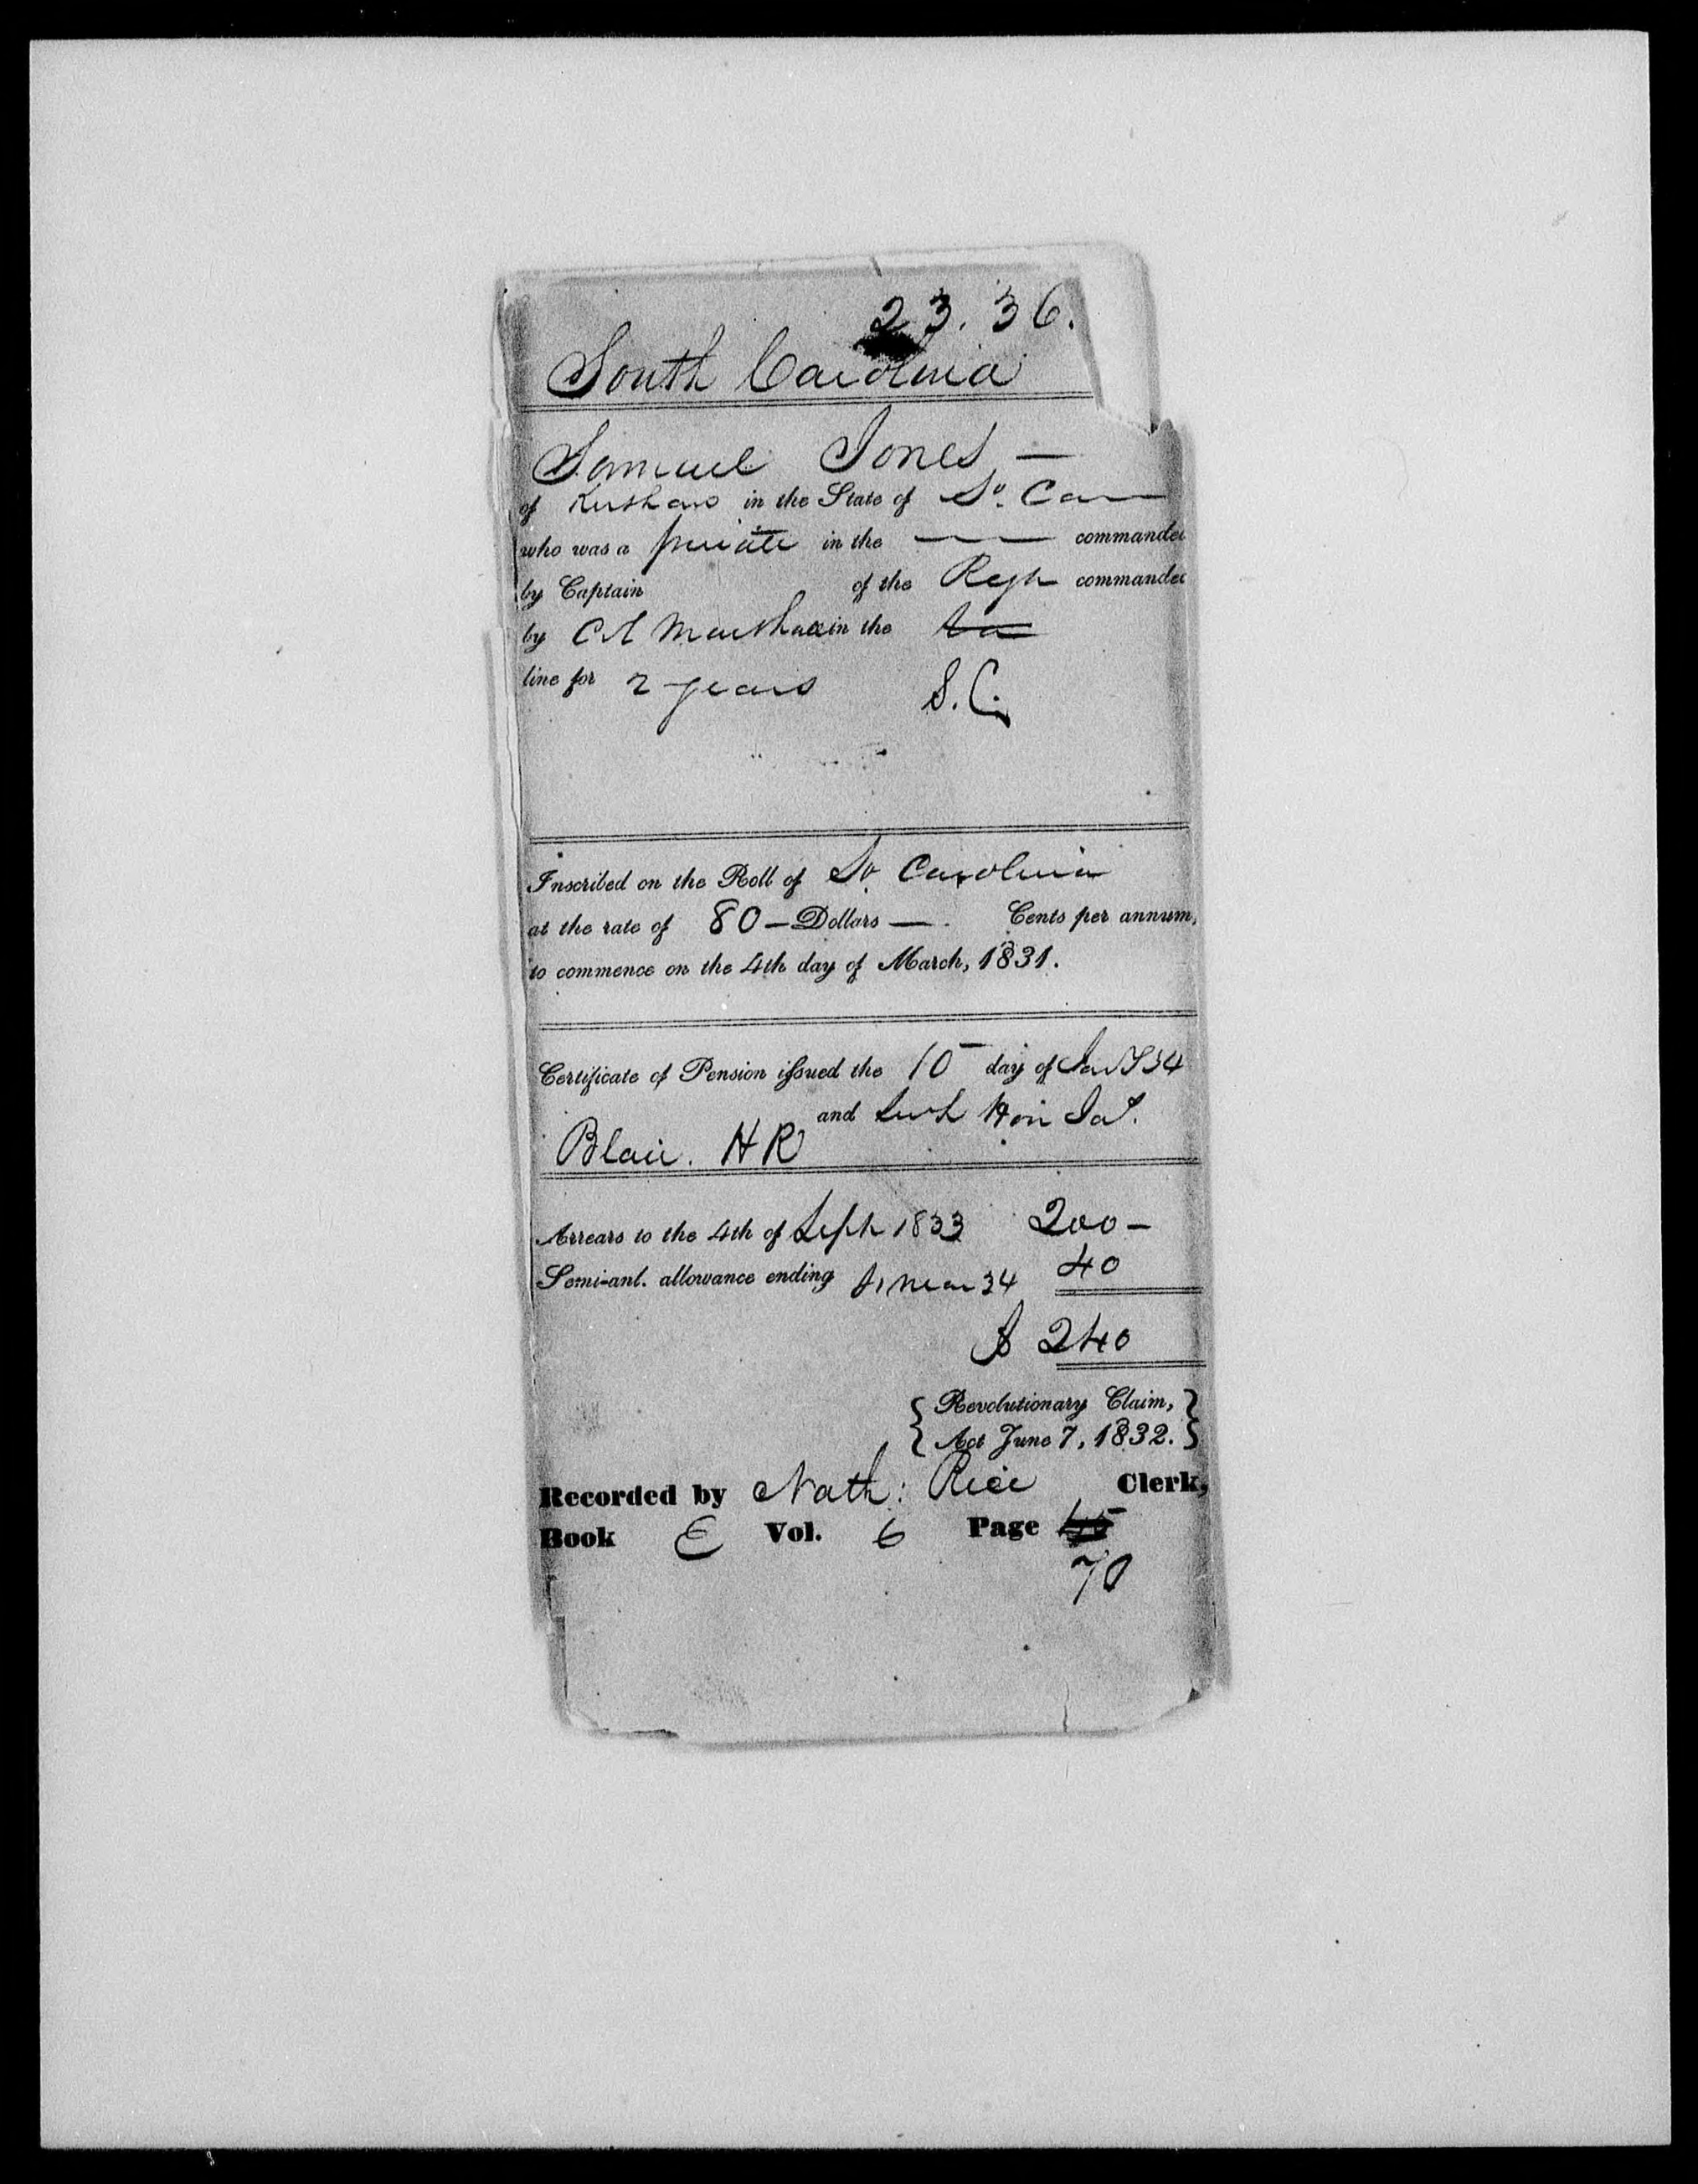23 36
South Carolina 
Samuel Jones of Kushan in the State of So Ca who was a private in the commanded by Captain of the Regn commanded by Col Markham the line for 2 years S. C. 
Inscribed on the Roll of So Carolina at the rate of 80 - Dollars- Cents per annum to commence on the 4th day of March, 1831 
Certificate of Pension issued the 10 day of June 1834 and [illegible] Blair HR
Arrears to the 4th of Sept 1833 200
Semi-anl allowance ending J near 34  40
240
{Revolutionary Claim, Act June 7, 1832 }
Recorded by Nath Rice Clerk, Book E Vol. 6 Page 70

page: 2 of 28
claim: survivor's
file: S. 21844, for Samuel Jones, South Carolina